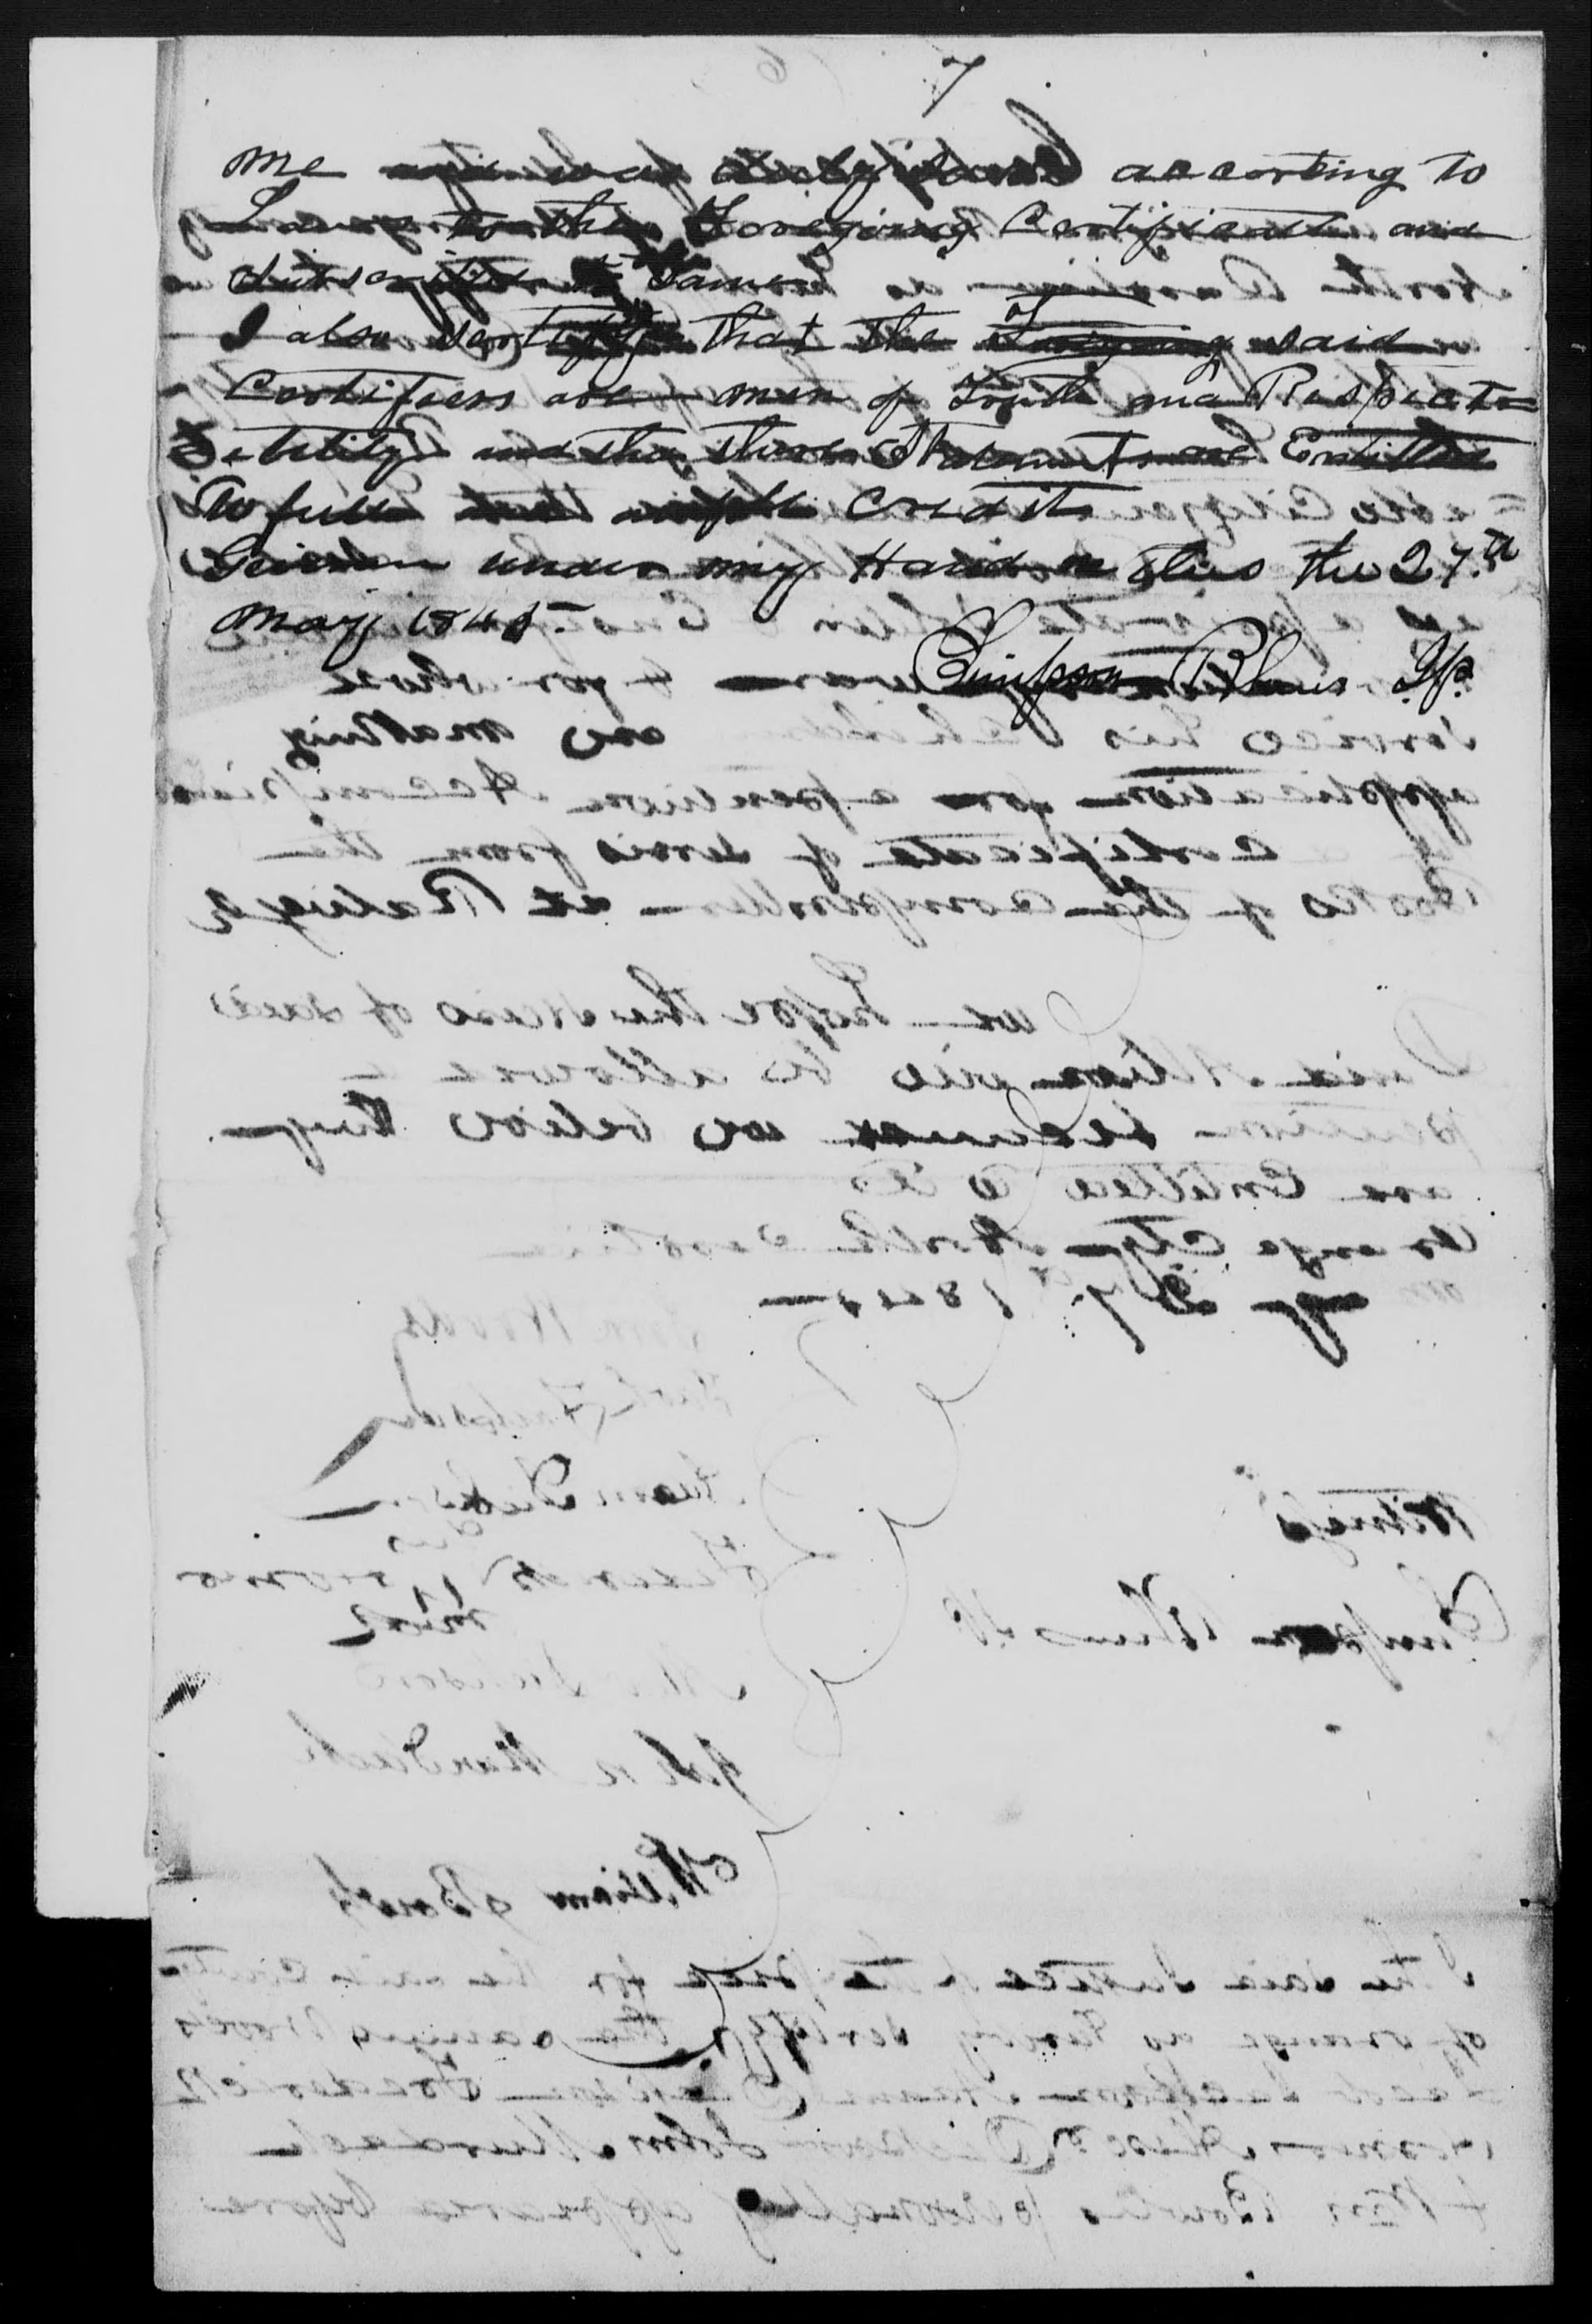before me as duly sworn according to law to the foregoing certificate and I also testify that said certificates are men of [illegible] and respect and testify [illegible]
Simpson Rhews Jp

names: Simpson Rhew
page: 22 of 33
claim: rejected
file: R. 155, David Allison, N.C.